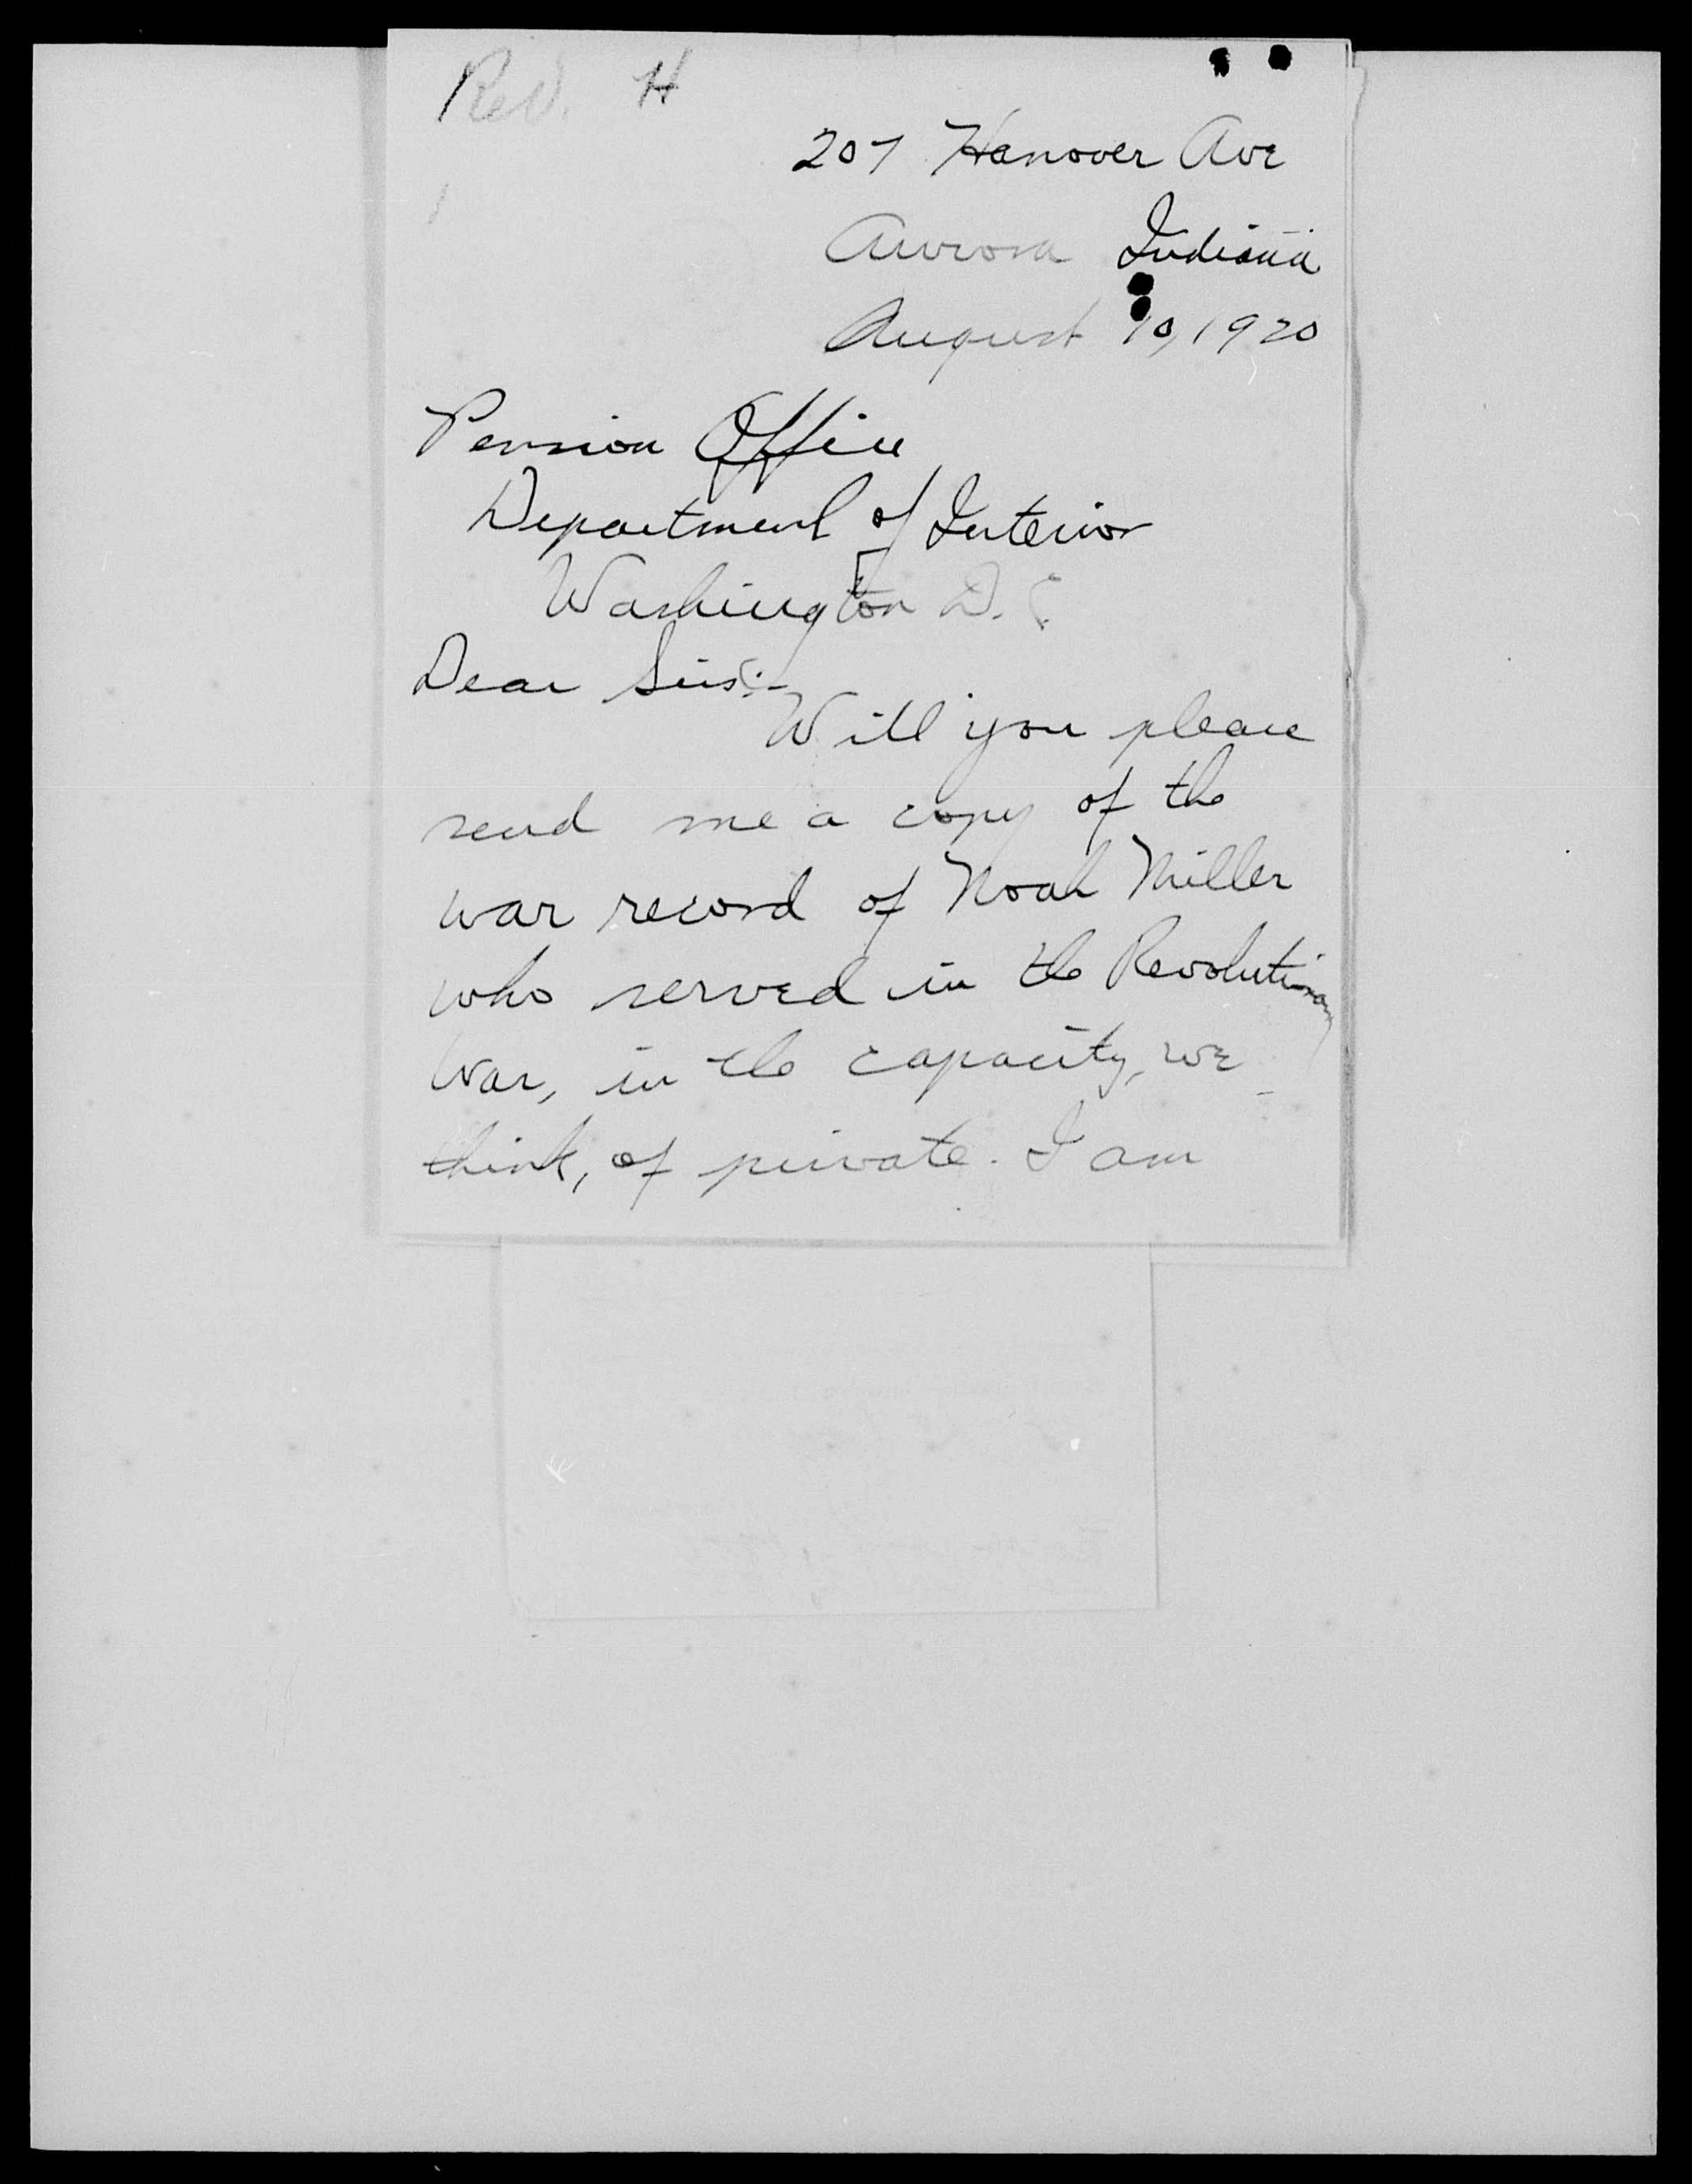Rev. H

207 Hanover Ave.
Aurora Indiana
August 10, 1920

Pension Office
Department of Interior
Washington D.C.

Dear Sir:

Will you please send me a copy of the war record of Noah Miller who served in the Revolutionary War in the capacity, we think, of private.  I am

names: Noah Miller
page: 14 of 20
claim: survivor's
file: S. 36129, for Noah Miller, New Jersey